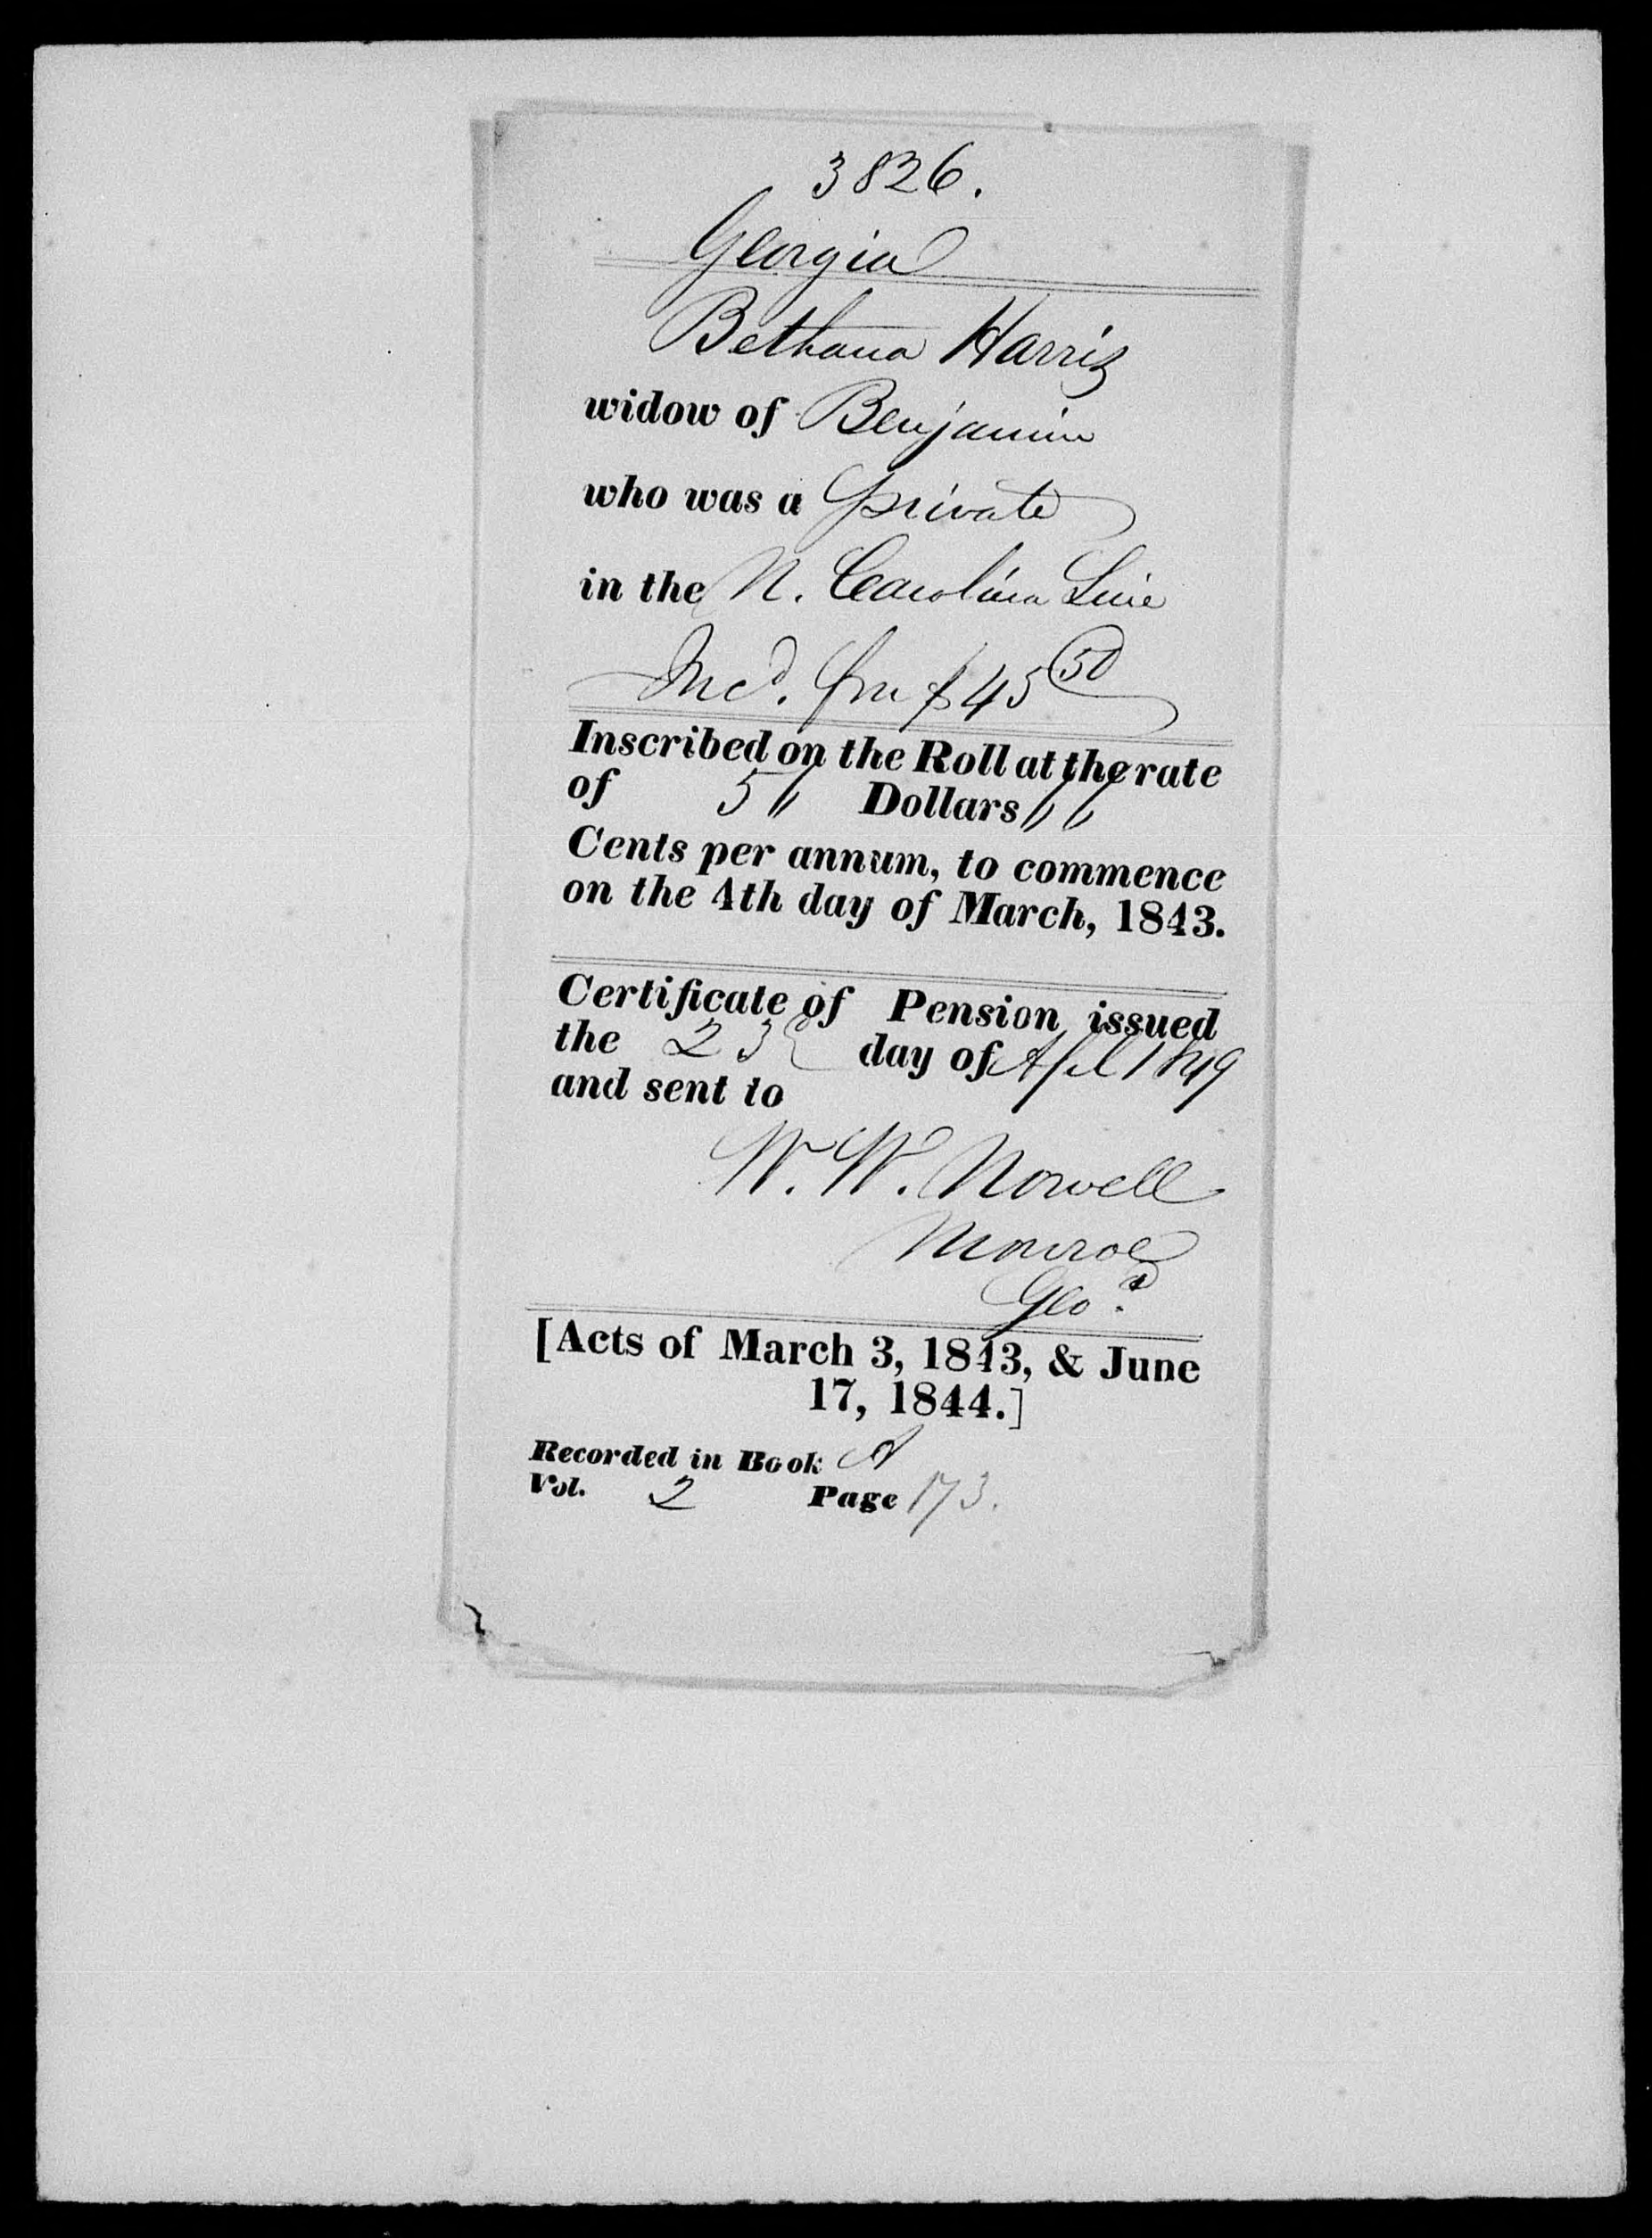3826 
Georgia --- 
Bethana Harris widow of Benjamin who was a private in the N. Carolina Line Incd from $45.50 - 

Inscribed on the Roll at the rate of 56 Dollars 66 Cents per annum, to commence on the 4th day of March, 1843. 

Certificate of Pension issued the 23d day of Apl 1849 and sent to W.W Nowell Monroe Geo

[Acts of March 3, 1843 & June 17, 1844.) Recorded in Book A Vol 2 Page 173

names: Benjamin Harris, Bethana Harris, W W Nowell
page: 28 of 62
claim: survivor's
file: S. 38816, Benjamin Harris, Mass.